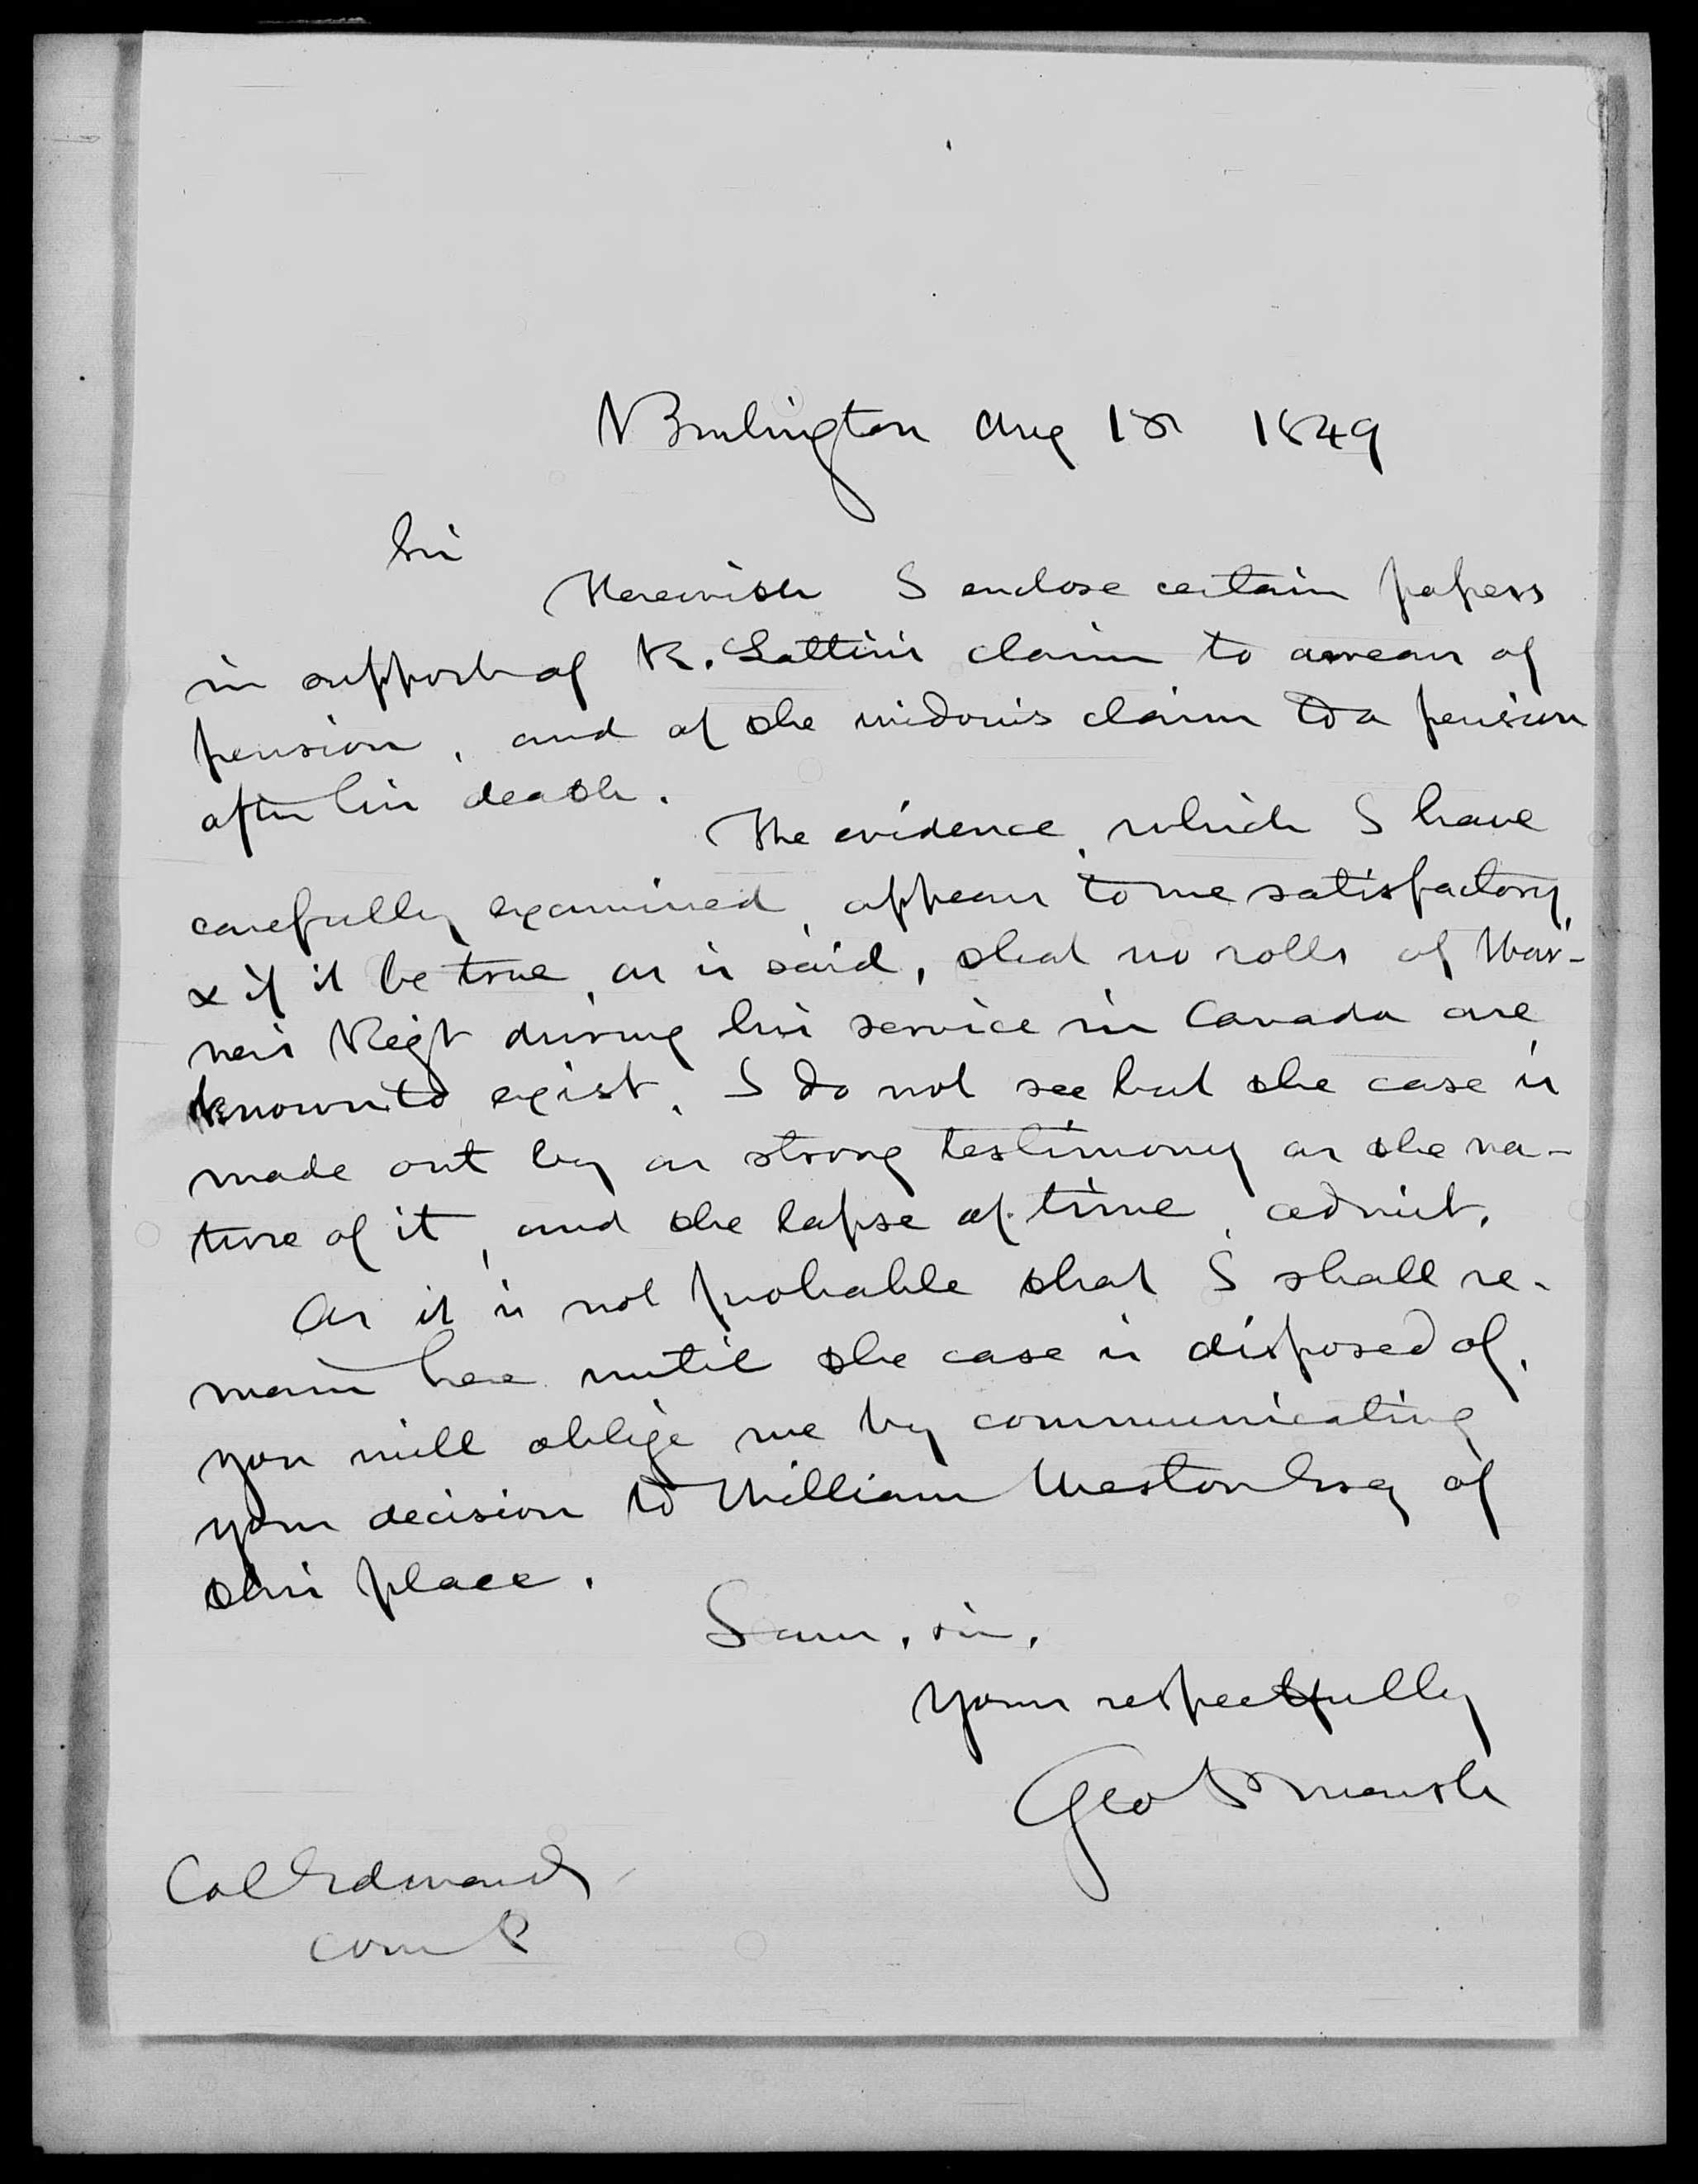Burlington Aug 18 1849
Sir
Herewith I enclose certain papers
in support of  R. Lattin’s claim to arrear of pension,
and of the widow's claim to a pension
after his death.
The evidence, which I have
carefully examined, appears to me satisfactory.
& if it be true, as is said, had no rolls of Warner’s
Regt during his service in Canada are
known to exist. I do not see but the case is
made out by on strong testimony as the nature
of it, and the lapse of time, admit.
As it is not probable that I shall remain
here until the case is disposed of,
you will oblige me by communicating
your decision to William Weston Esq of
this place.
I am, sir,
Yours respectfully
Geo P  Marsh

Col Edwards
Com. P.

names: [BLANK] Edwards; R Lattin; William Weston; Geo P Marsh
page: 74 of 99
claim: widow's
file: W. 24,482, for Richard Lattin, Vermont